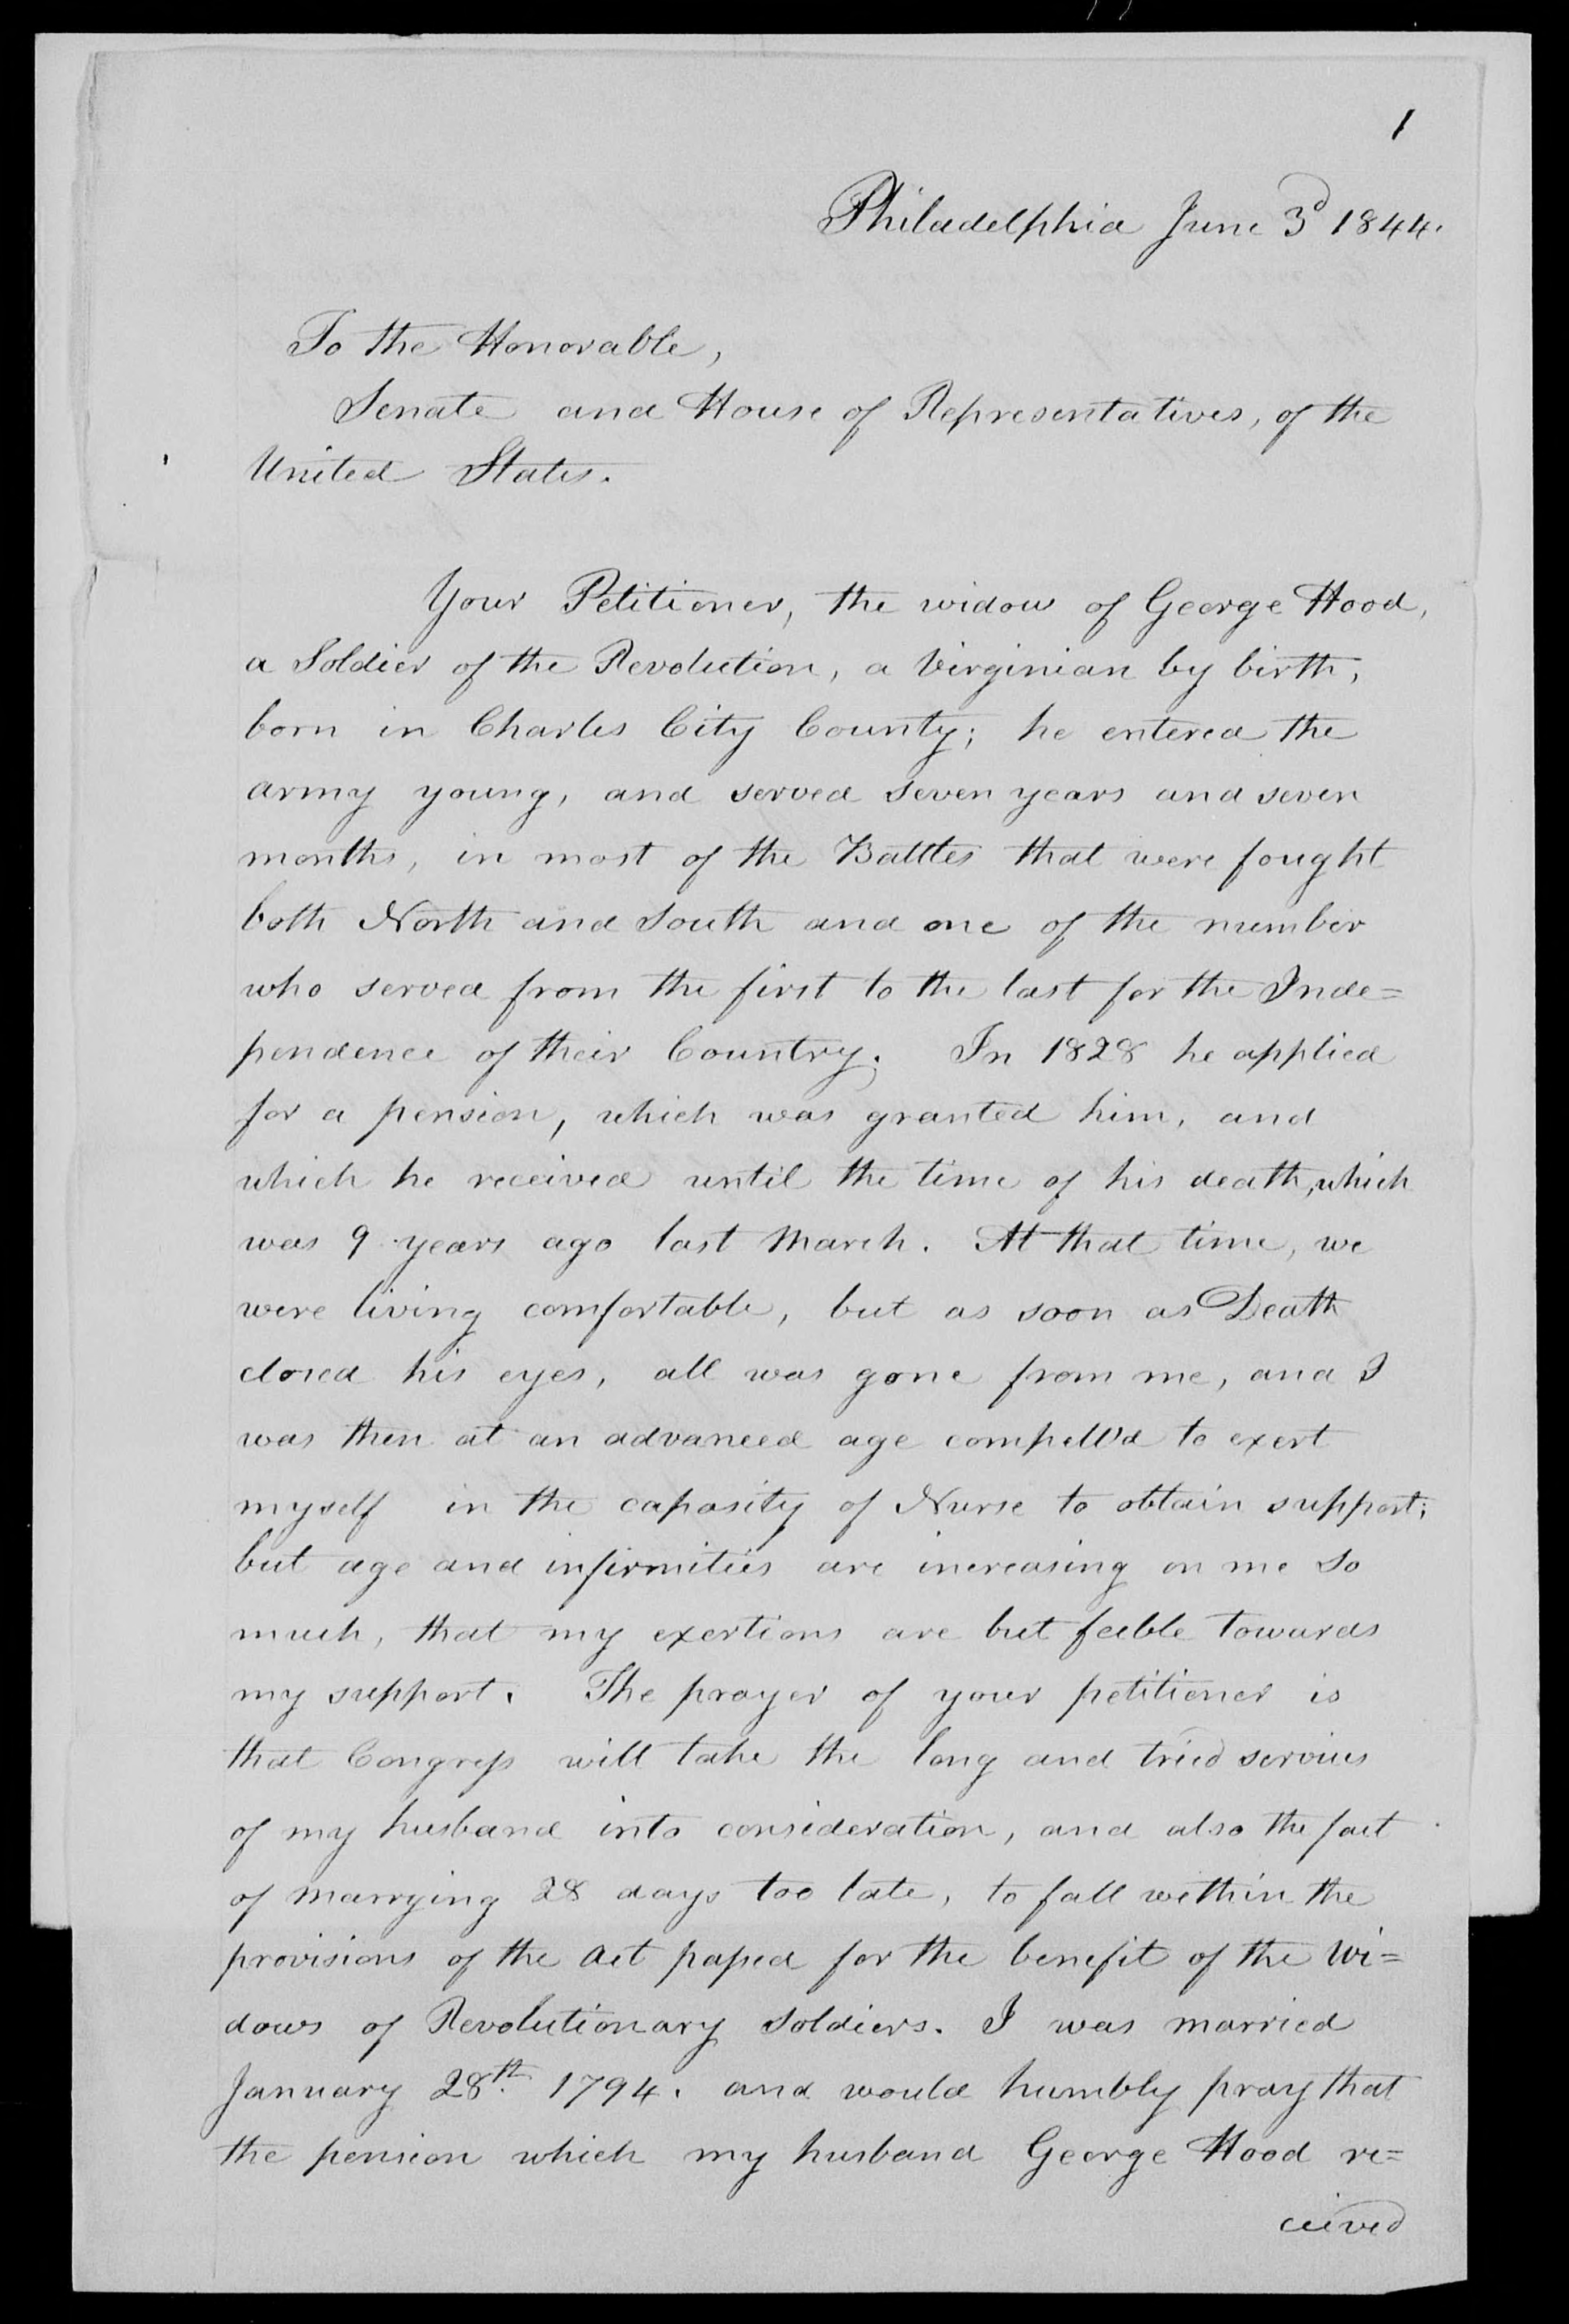Philadelphia, June 3rd 1844
To the honorable, Senate and House of Representatives, of the United States.
Your petitioner, the widow of George Hood, a Soldier of the Revolution, a Virginian by birth, born in Charles City County; he entered the Army young, and swerved seven years and seven months, in most of the Battles that were both North and South and one of the number who served for the first to the last for Independence of this Country. In 1828 he applied for a Pension, which was granted him and which he received until the time of his death, which 9 years ago last month. At that time, we were living comfortable, but as soon as death closed his eyes, all was gone from me, and I was then at an advanced age compelled to exert myself in the capacity of Nurse to obtain support, but age and infirmities are increasing on me so much. But my exertions are but feeble towards my support. The prayer of your petitioner is that Congress will take the long and tried services of my husband into consideration, and also the fact of marrying 28 days too late, to fall within the provisions of the Act passed for the benefit of widows of Revolutionary soldiers. I was married January 28th 1794 and would humbly pray that the pension which my husband George Hood received,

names: George Hood, George Hood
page: 36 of 51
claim: widow's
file: W 8939, George Hood, Continental Va.